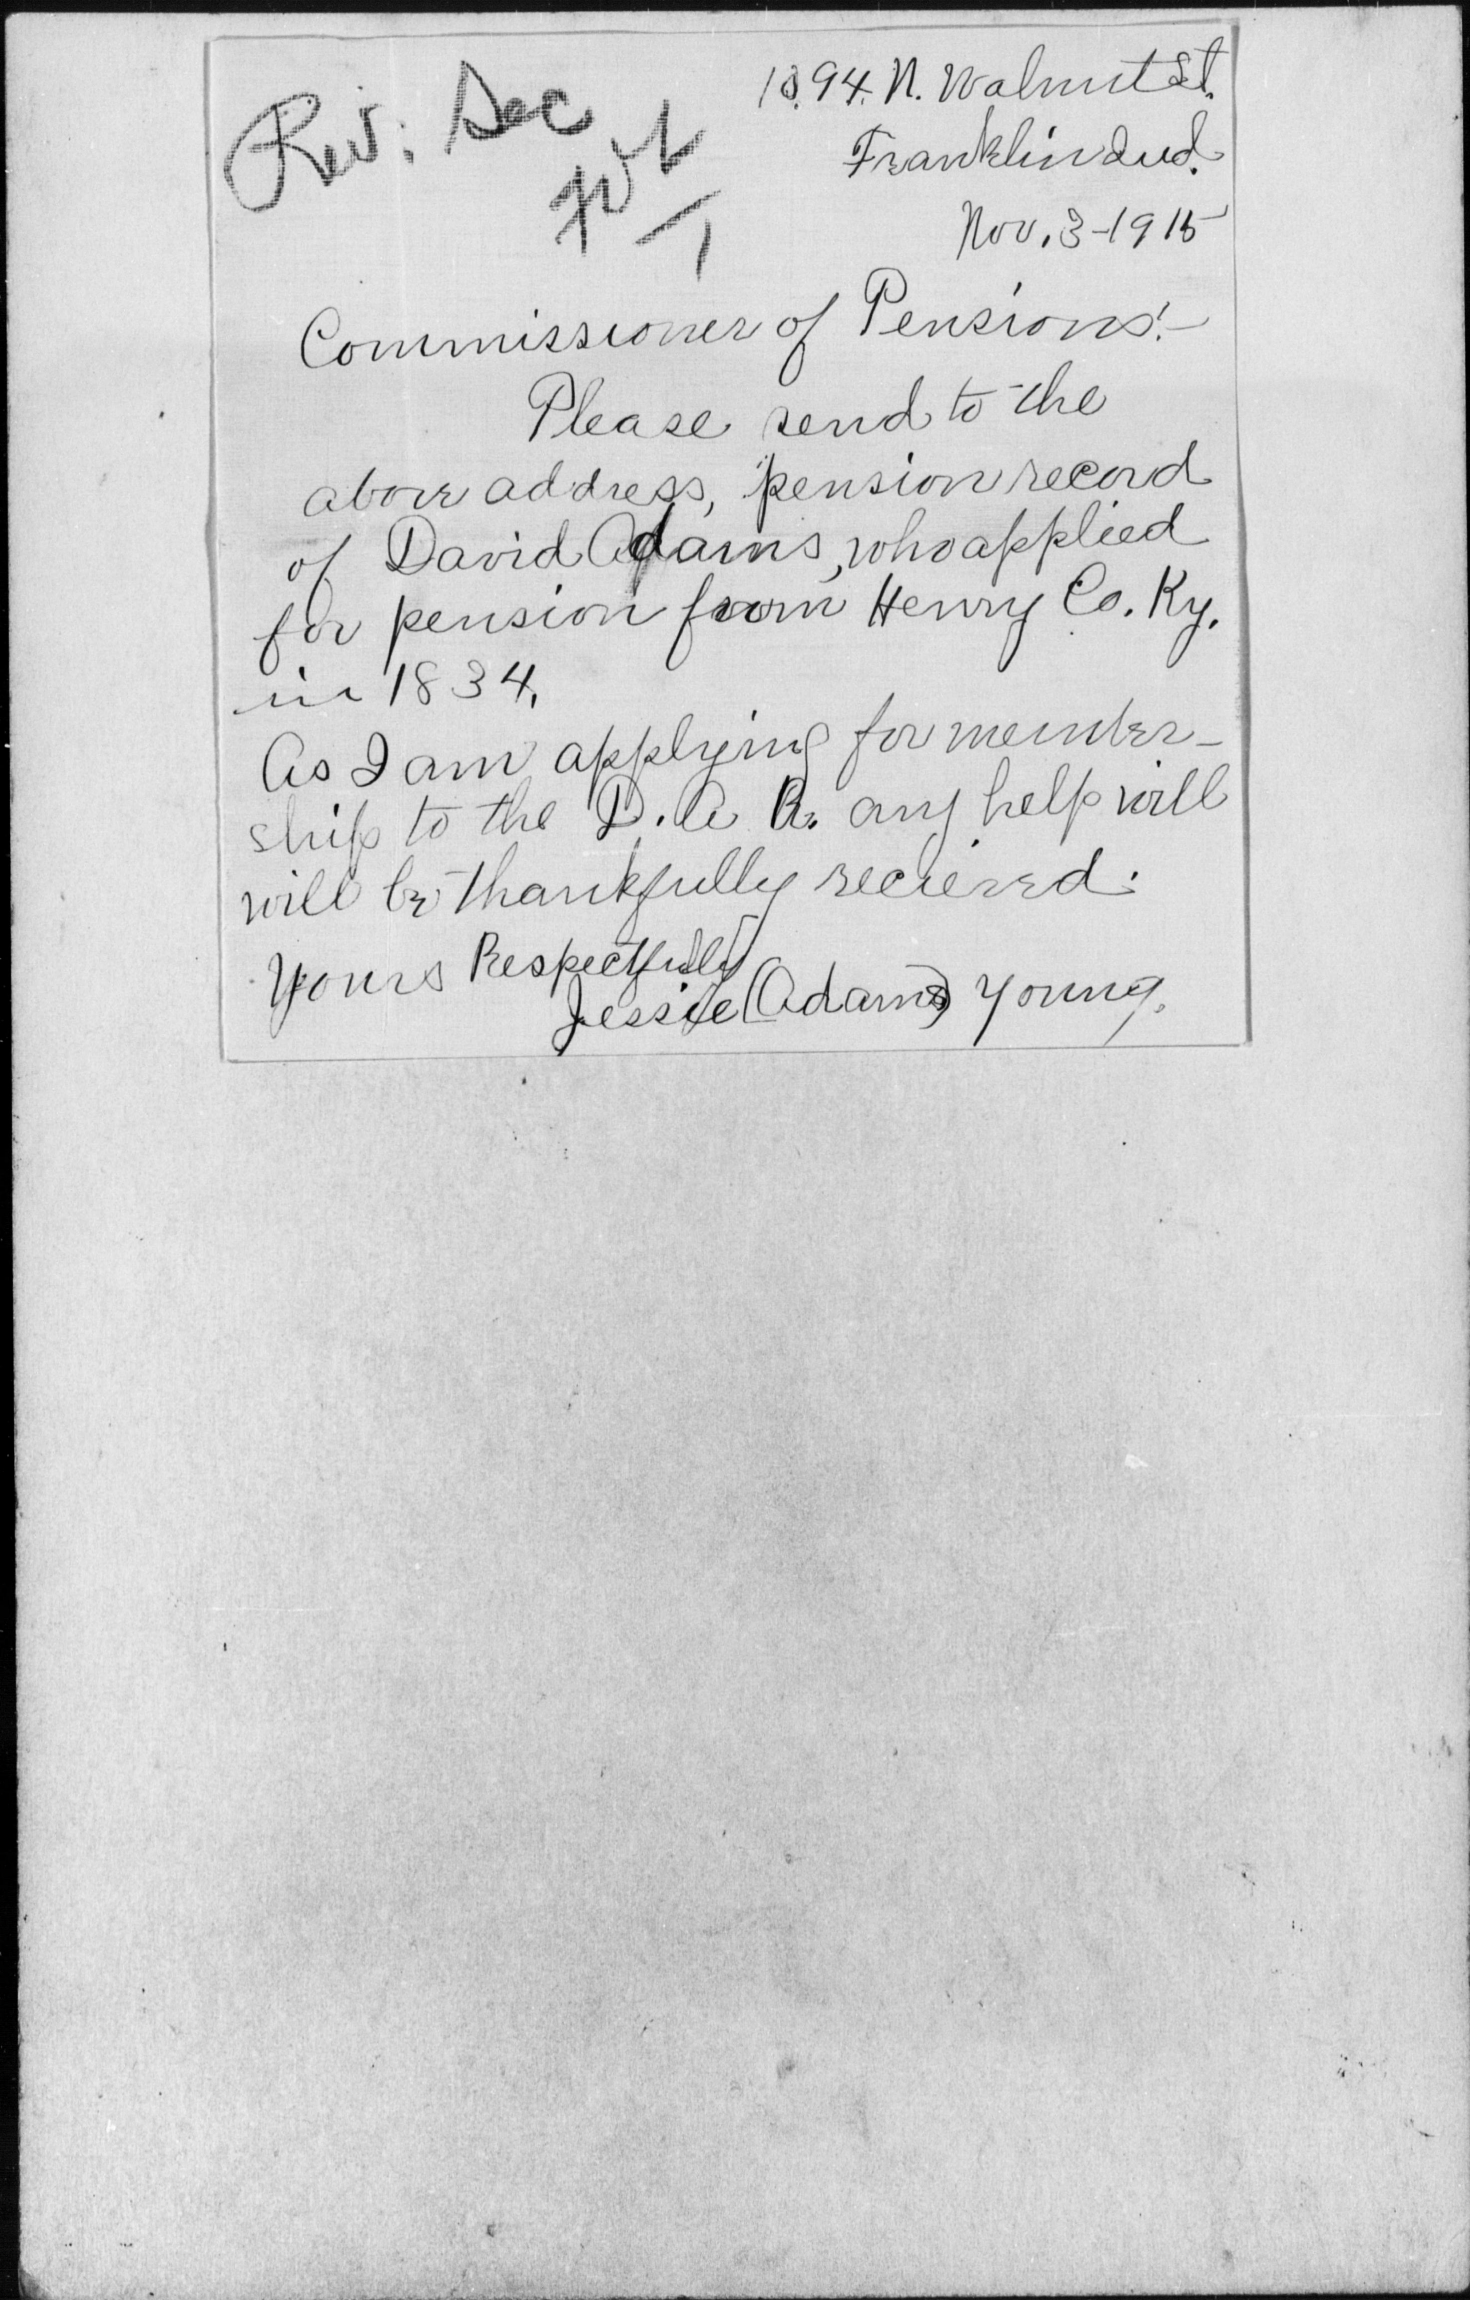[All Handwritten]

Rev: Dec 7OL/1
1894 N. Walnut St.  Franklin deed
Nov. 3-1915

Commissioner of Pensions:
Please send to the above address, pension record of David Adams, who applied for pension from Henry Co. Ky. in 1834.

As I am applying for membership to the D.A.R. any help will be thankfully recieved [sic].

Yours Respectfully,
Jessie (Adams) Young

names: David Adams, Jessie Adams Young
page: 13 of 13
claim: survivor's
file: S 30,815, David Adams, Penn.